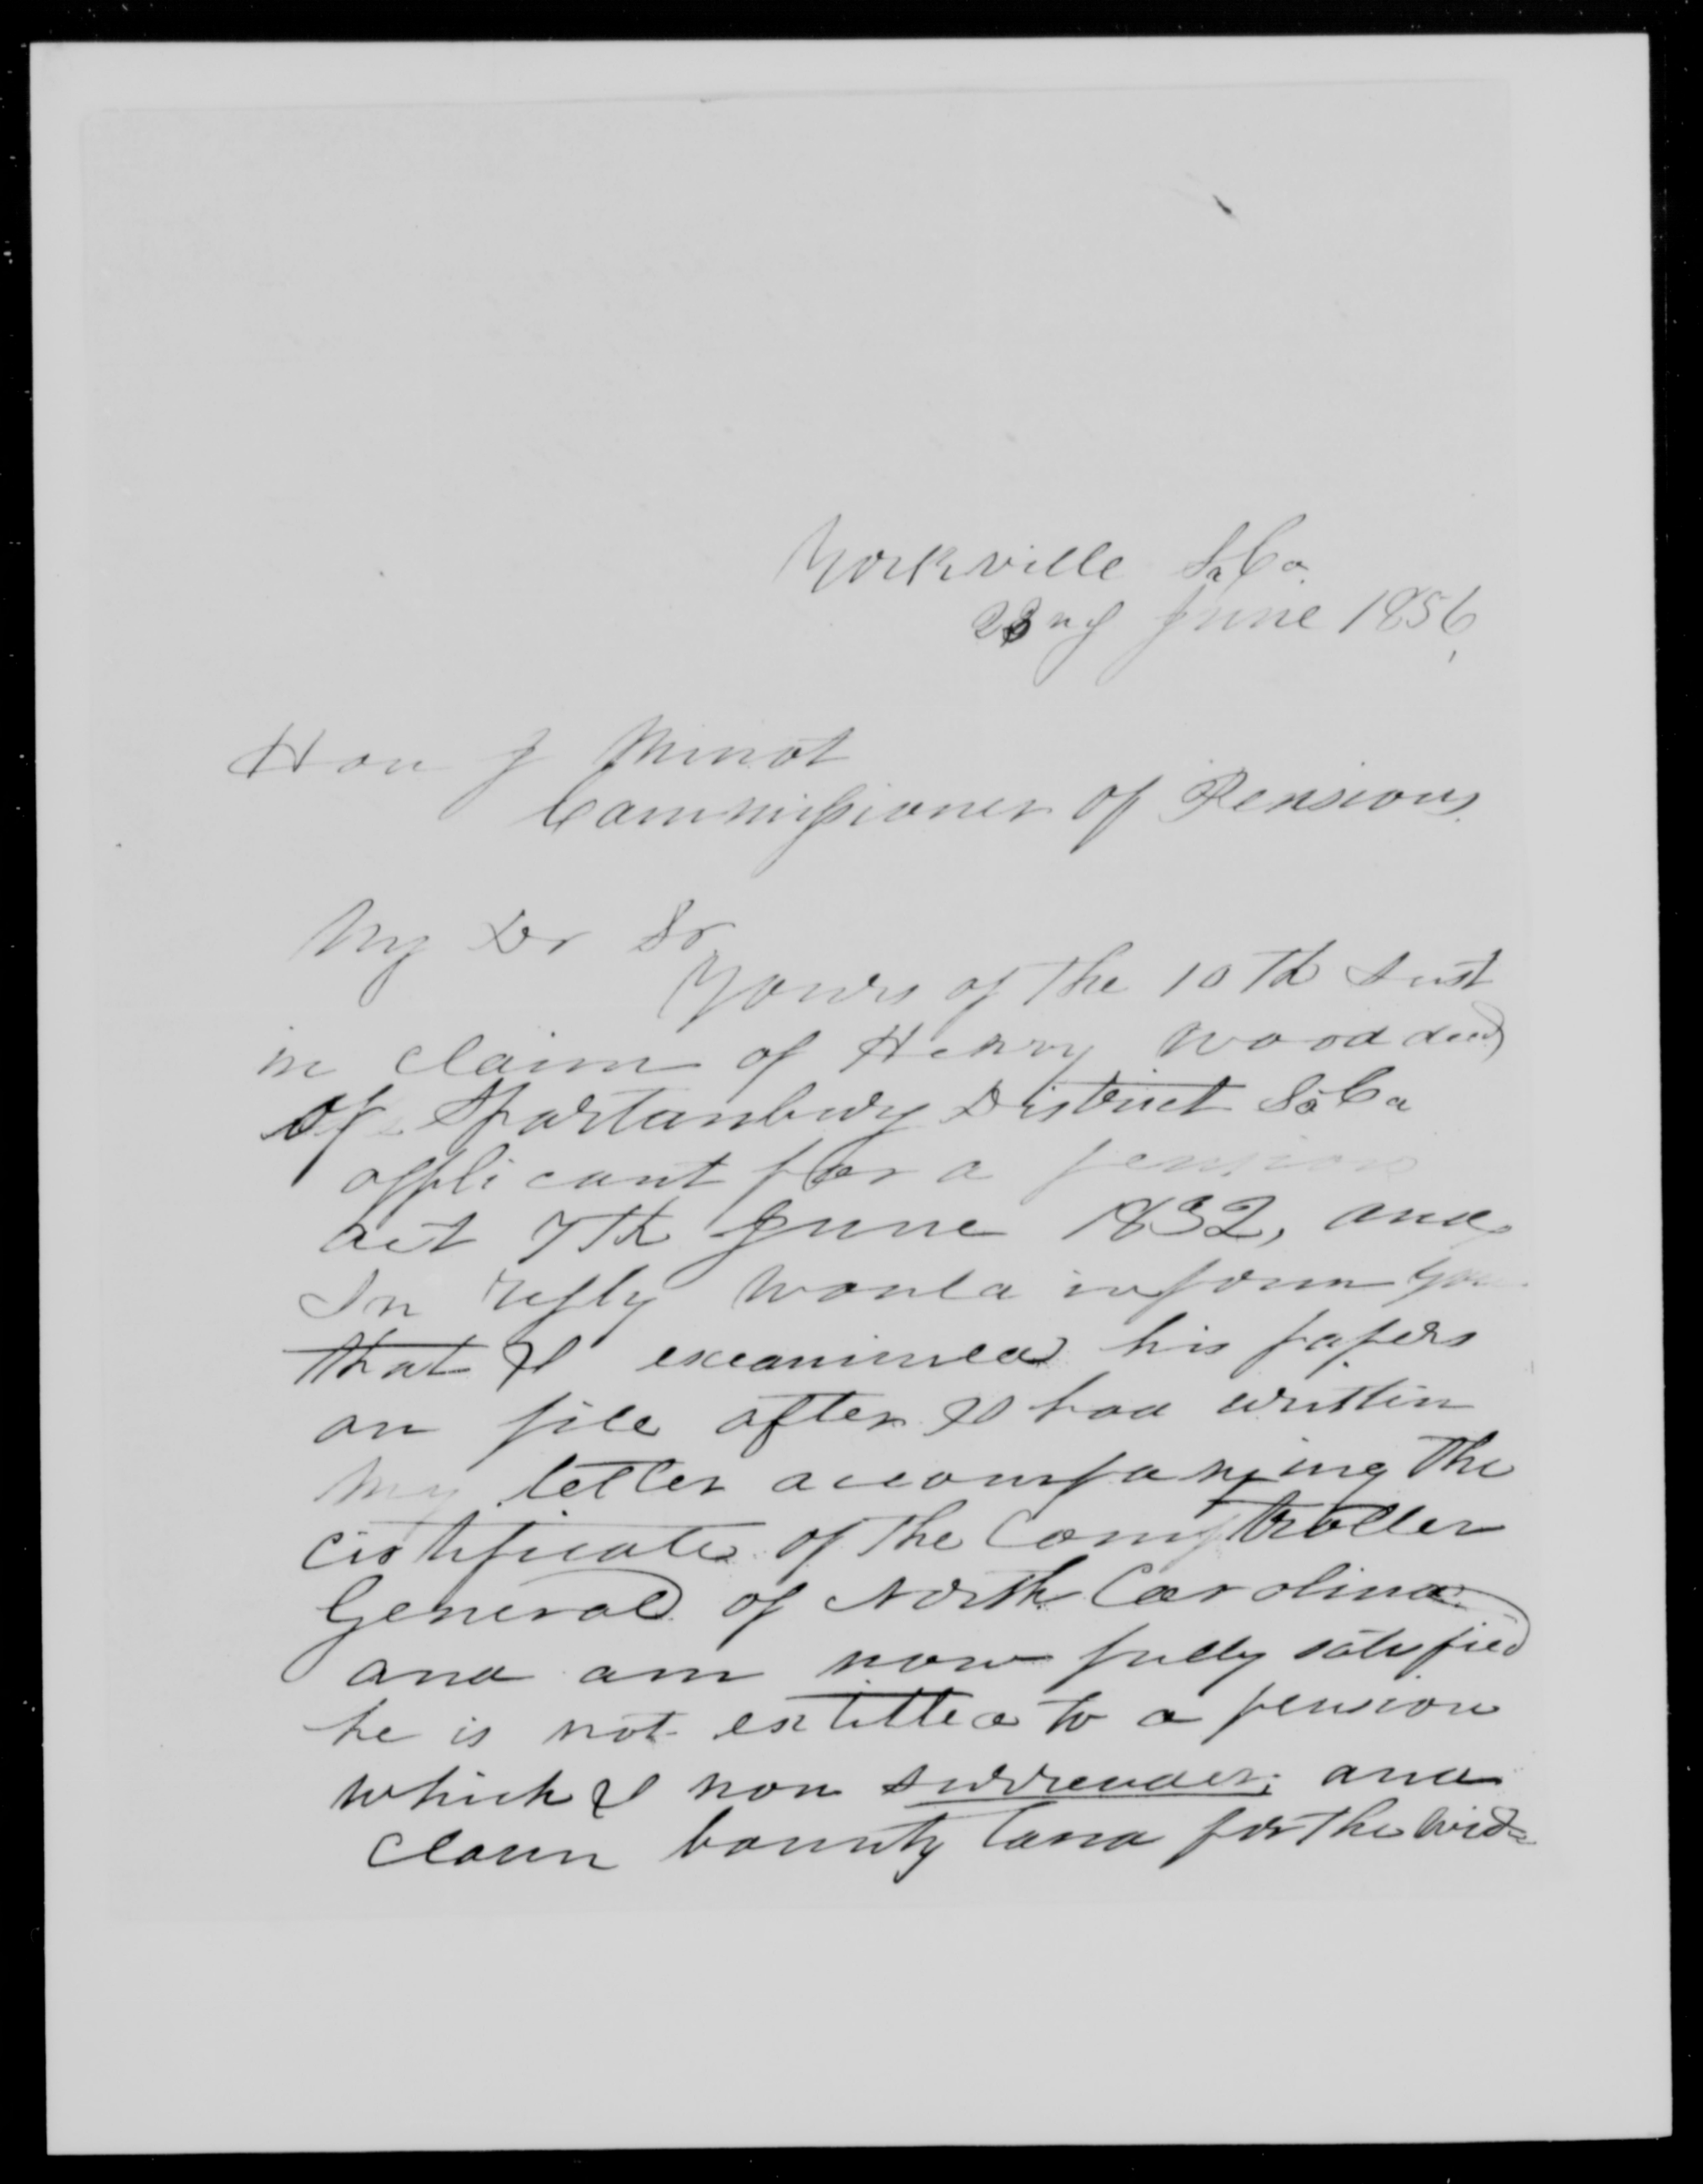Yorkville S.Ca.
Hon J Minot Commissioner of Pensions
My Dr Sr
Yours of the 10th just in claim of Henry Wood decd of Spartanburg District SC applicant for a pension of Act 7th June 1832, and in reply I want inform you that I examined his papers on file after I had written my letter accompanying the certificate of the comptroller general of North Carolina and am now fully satisfied he is not entitled to a pension which I now surrender; and claim bounty land for the widow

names: J Minot, Henry Wood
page: 23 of 40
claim: rejected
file: R. 11785, Henry Wood, N. C.